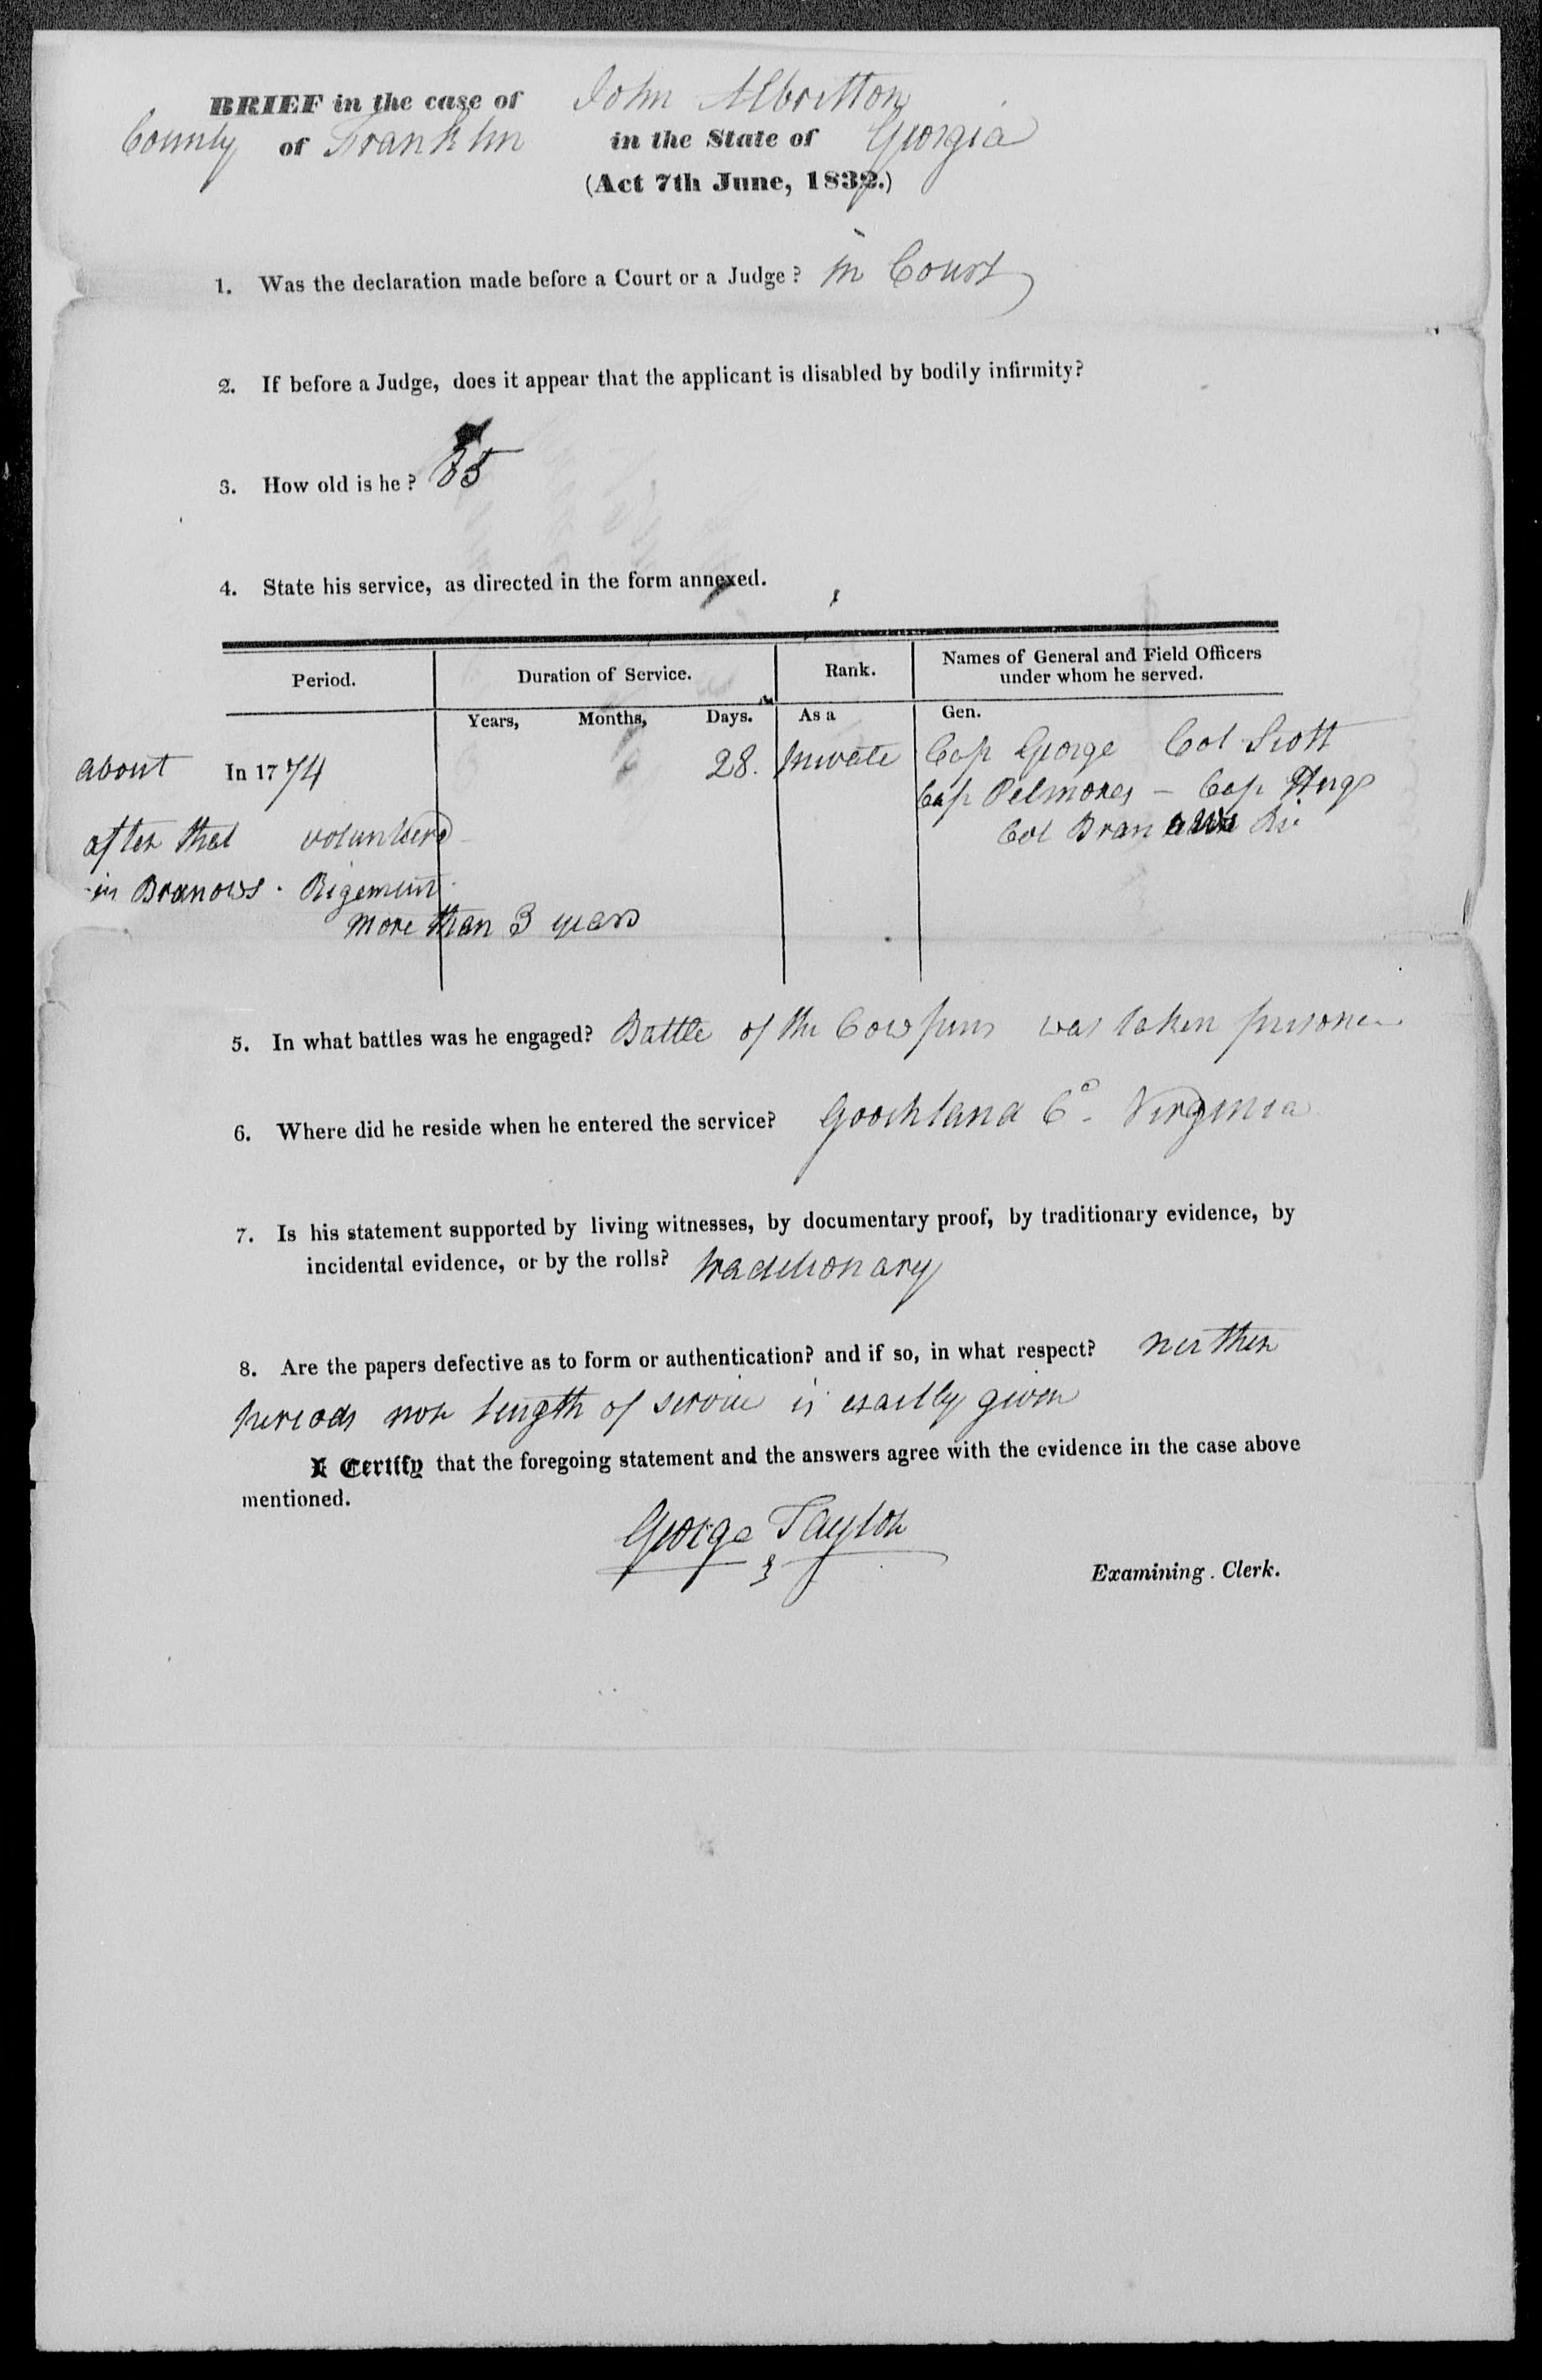BRIEF in the case of John Albritton, County of Franklin in the State of Georgia
(Act 7th June, 1832.)
1. Was the declaration made before a Court or a Judge? [answer] In Court
3. How old is he? [answer] 85
Period: about 1774; Duration of Service: 28 Days; Rank: private; Officers: Cap George & Col Scott
Period: after that volunteered in Bransons Regiment; Duration of Service: more than 3 years; Officers: Cap Pelmores, Cap Hays, Col Branson [illegible]
5. In what battles was he engaged? [answer] Battle of the Cow pens, was taken prisoner
6. Where did he reside when he entered the service? [answer] Goochland Co Virginia
7. Is his statement supported by living witnesses, by documentary proof, by traditionary evidence, by incidental evidence, or by the rolls? [answer] Traditionary
8. Are the papers defective as to form or authentication? and if so, in what respect? [answer] Neither periods nor length of service is easily given
I Certify that the foregoing statement and the answers agree with the evidence in the case above mentioned.
George Taylor
Examining Clerk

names: John Albritton, George, Hugs, George Taylor, Scott, Pelmoner, Bran Devskie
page: 9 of 22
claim: survivor's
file: S. 31,517, John Allbritton, S.C.